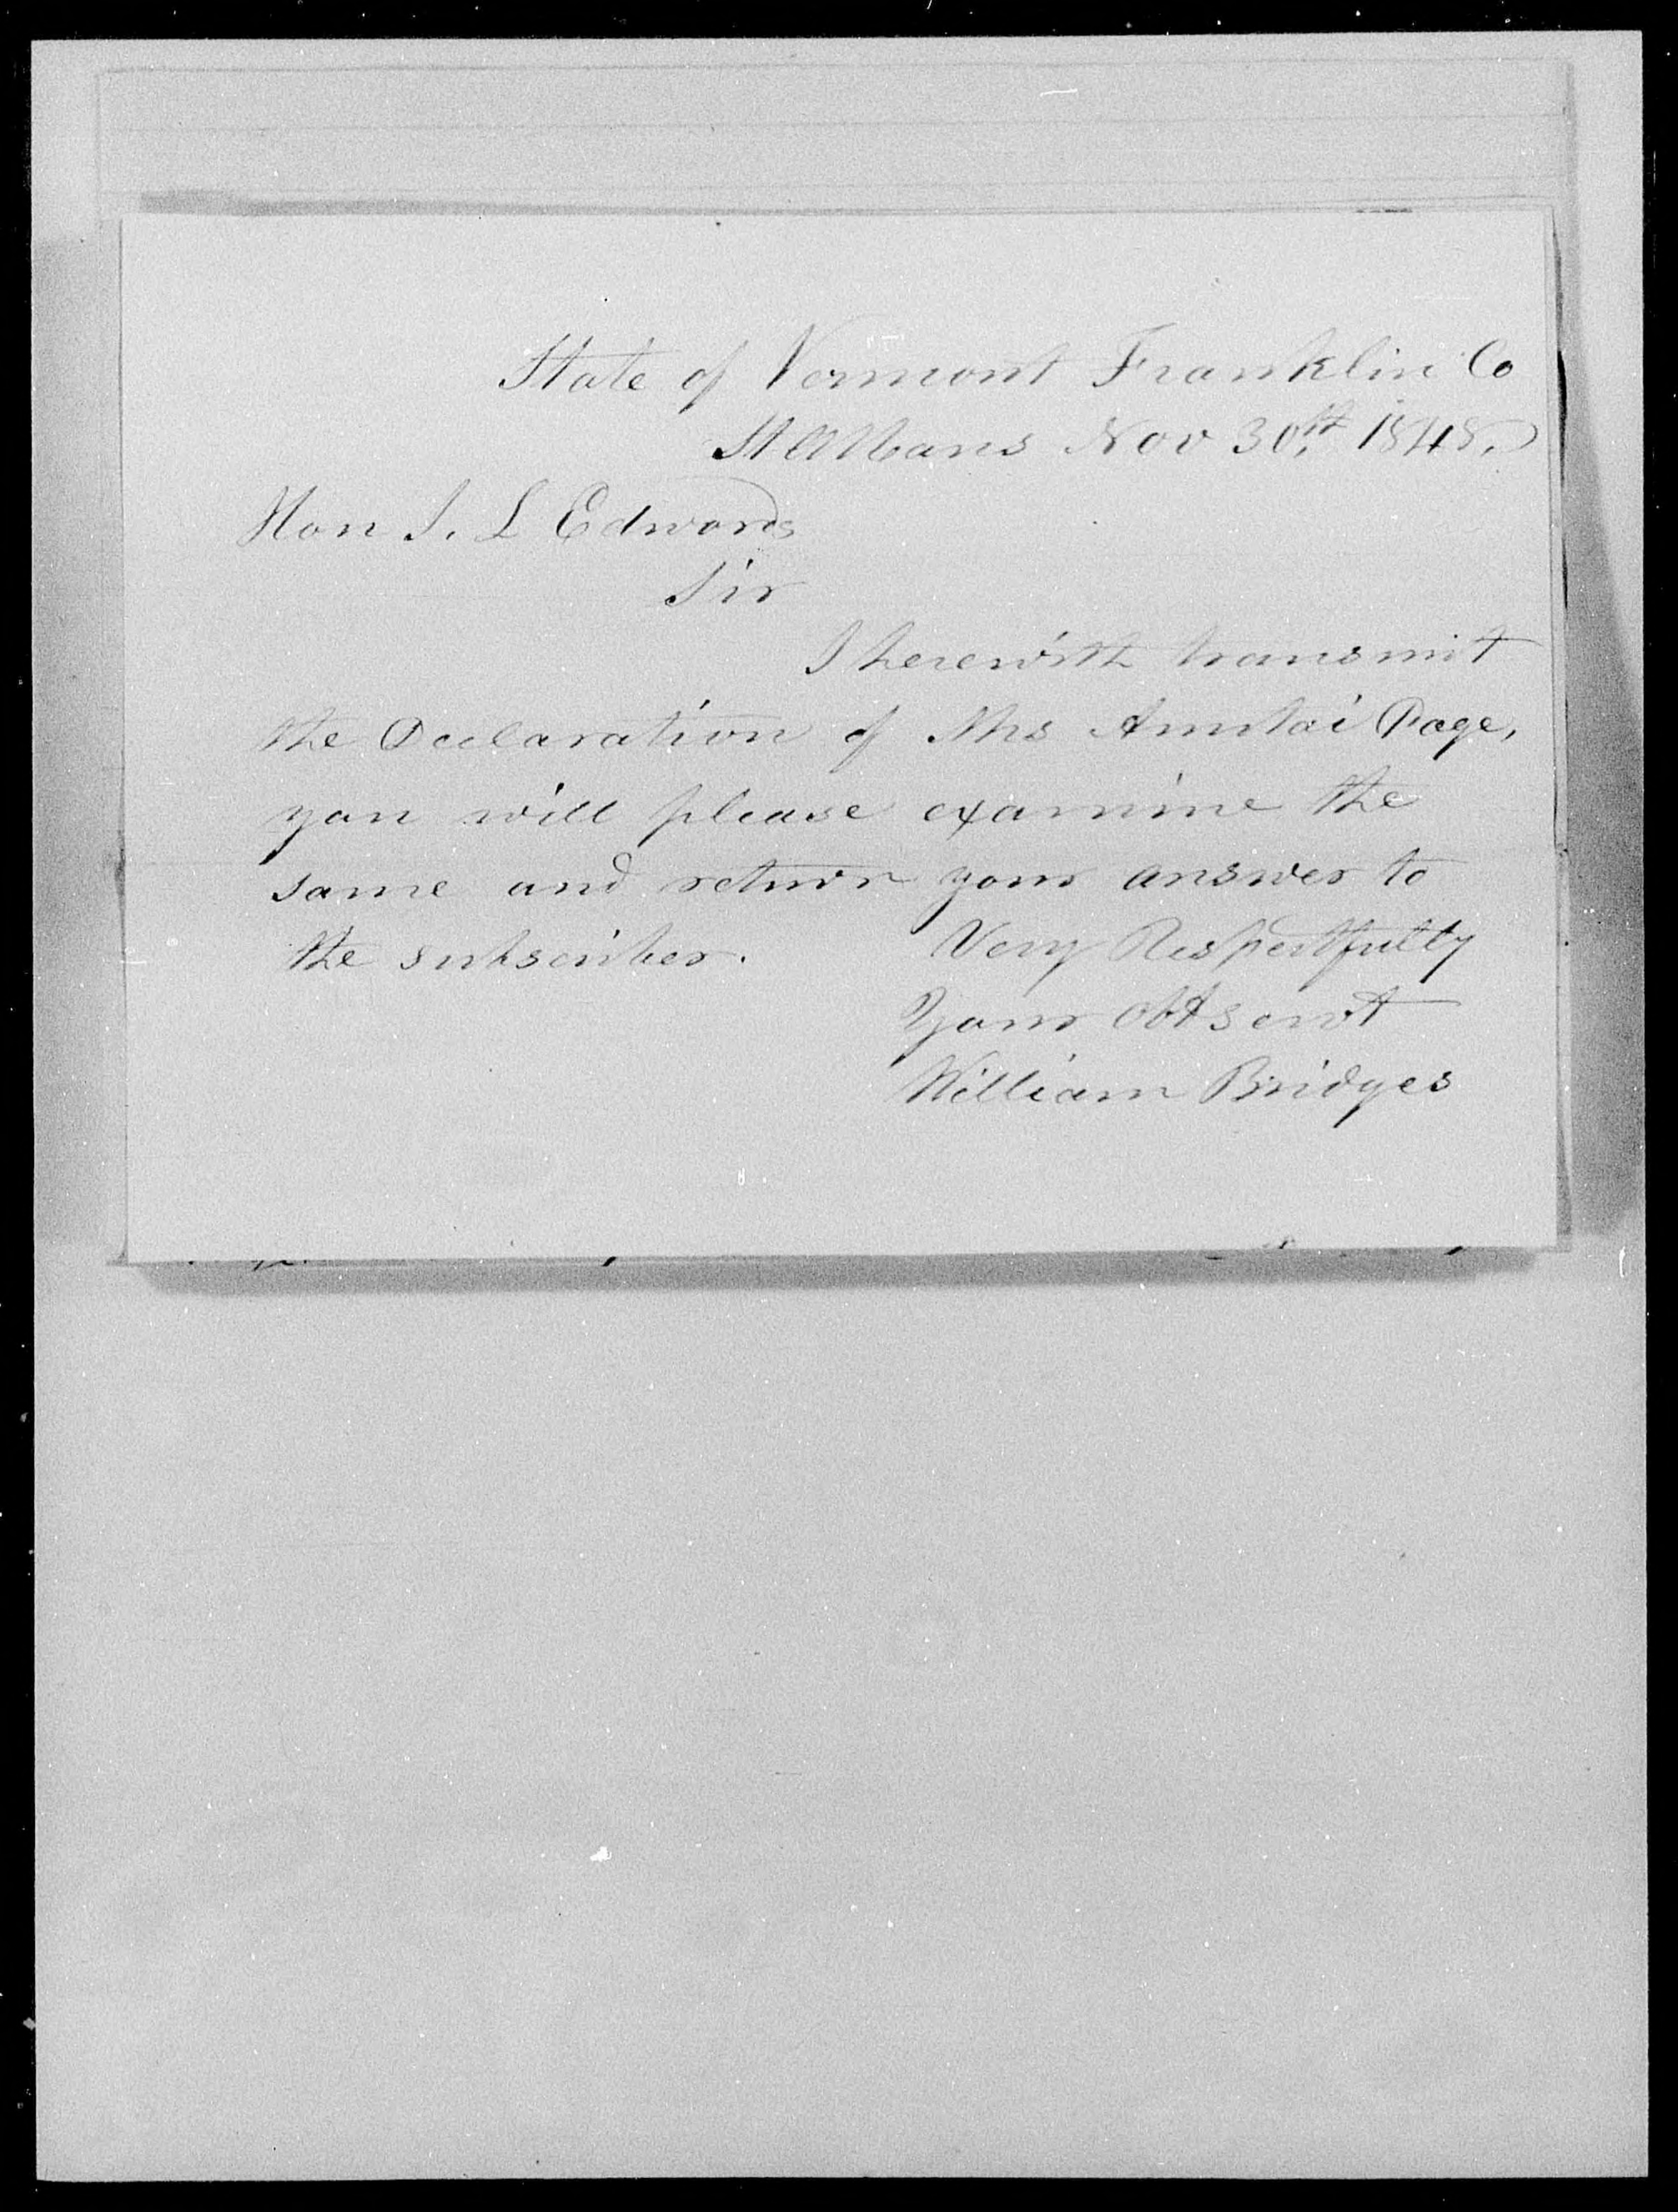State of Vermont Franklin Co
mans Nov 30th 1848
Hon J. L Edwards
Sir
I herewith transmit
the Declaration of Mrs Amitai Page,
you will please examine the same
and return your answer to
the subscriber
Very Respectfully
Your Obt servt
William Bridges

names: William Bridges; J L Edwards; Amitai Page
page: 27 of 40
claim: widow's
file: W. 15168, for Foster Paige, Massachusetts